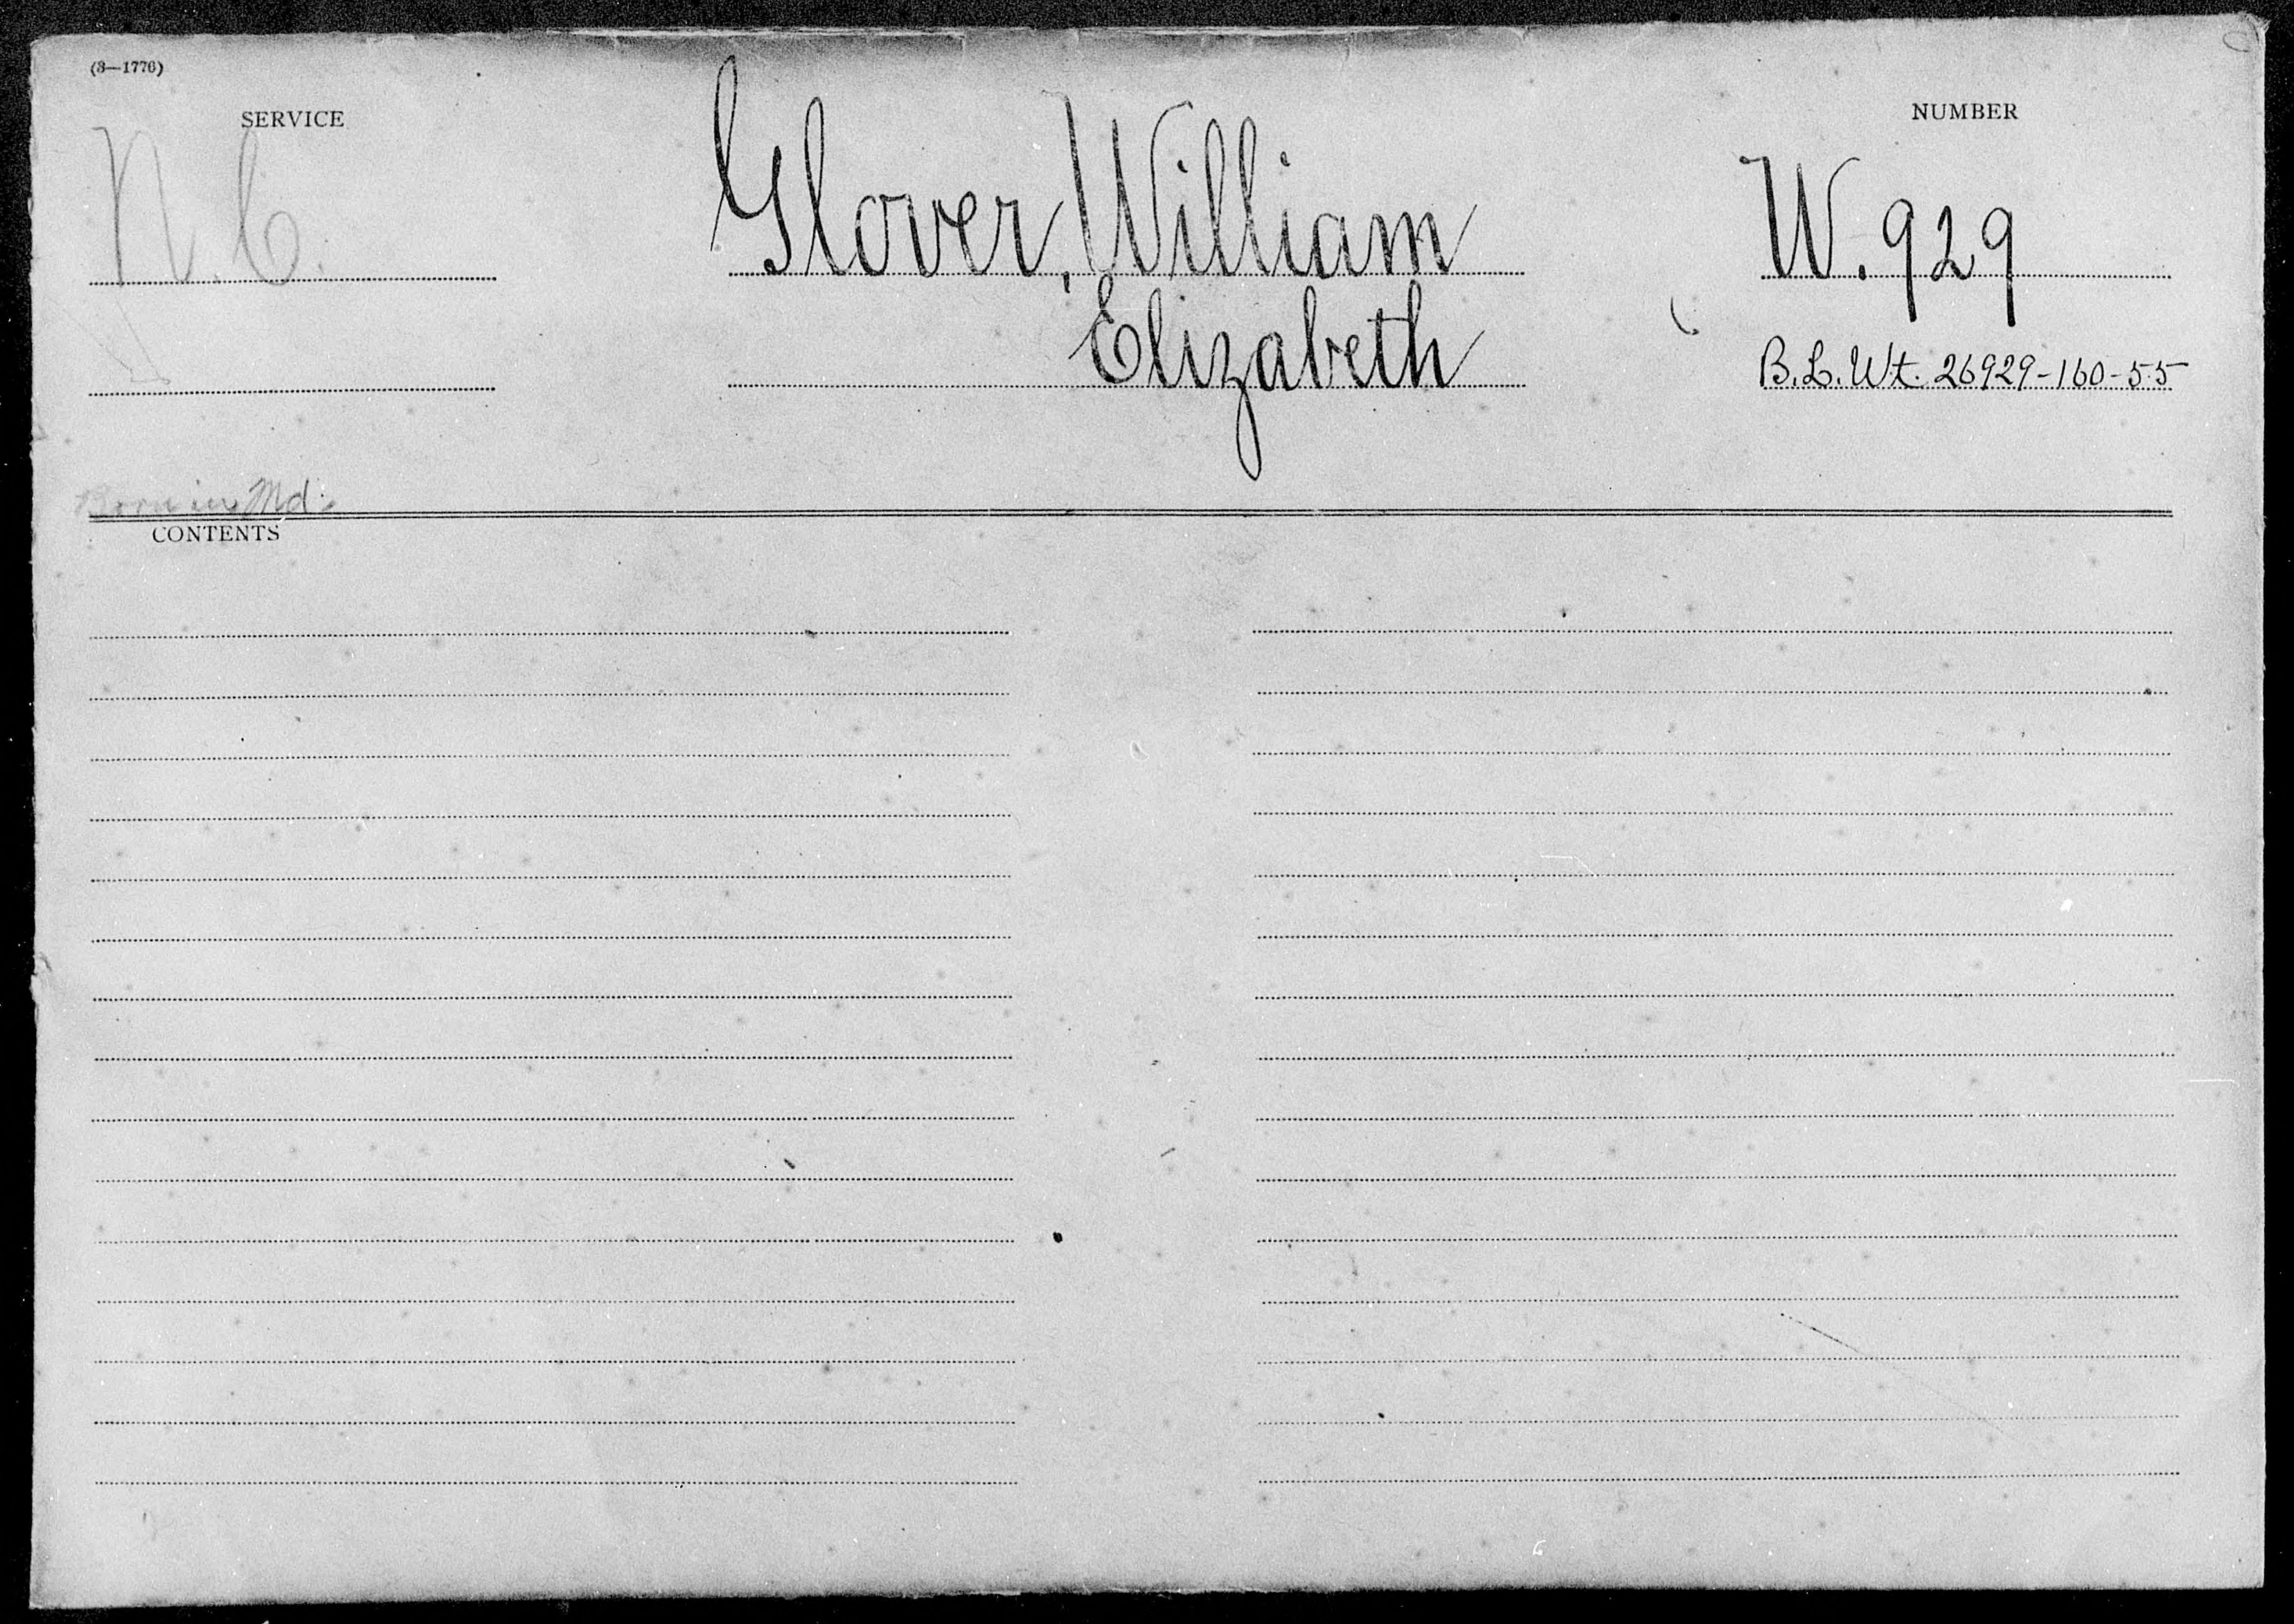N.C.
Glover, William Number W.929
             Elizabeth    B.L.Wt.26929-160-55

Contents [illegible]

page: 1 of 51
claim: widow's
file: W. 929, William Glover, N.C.